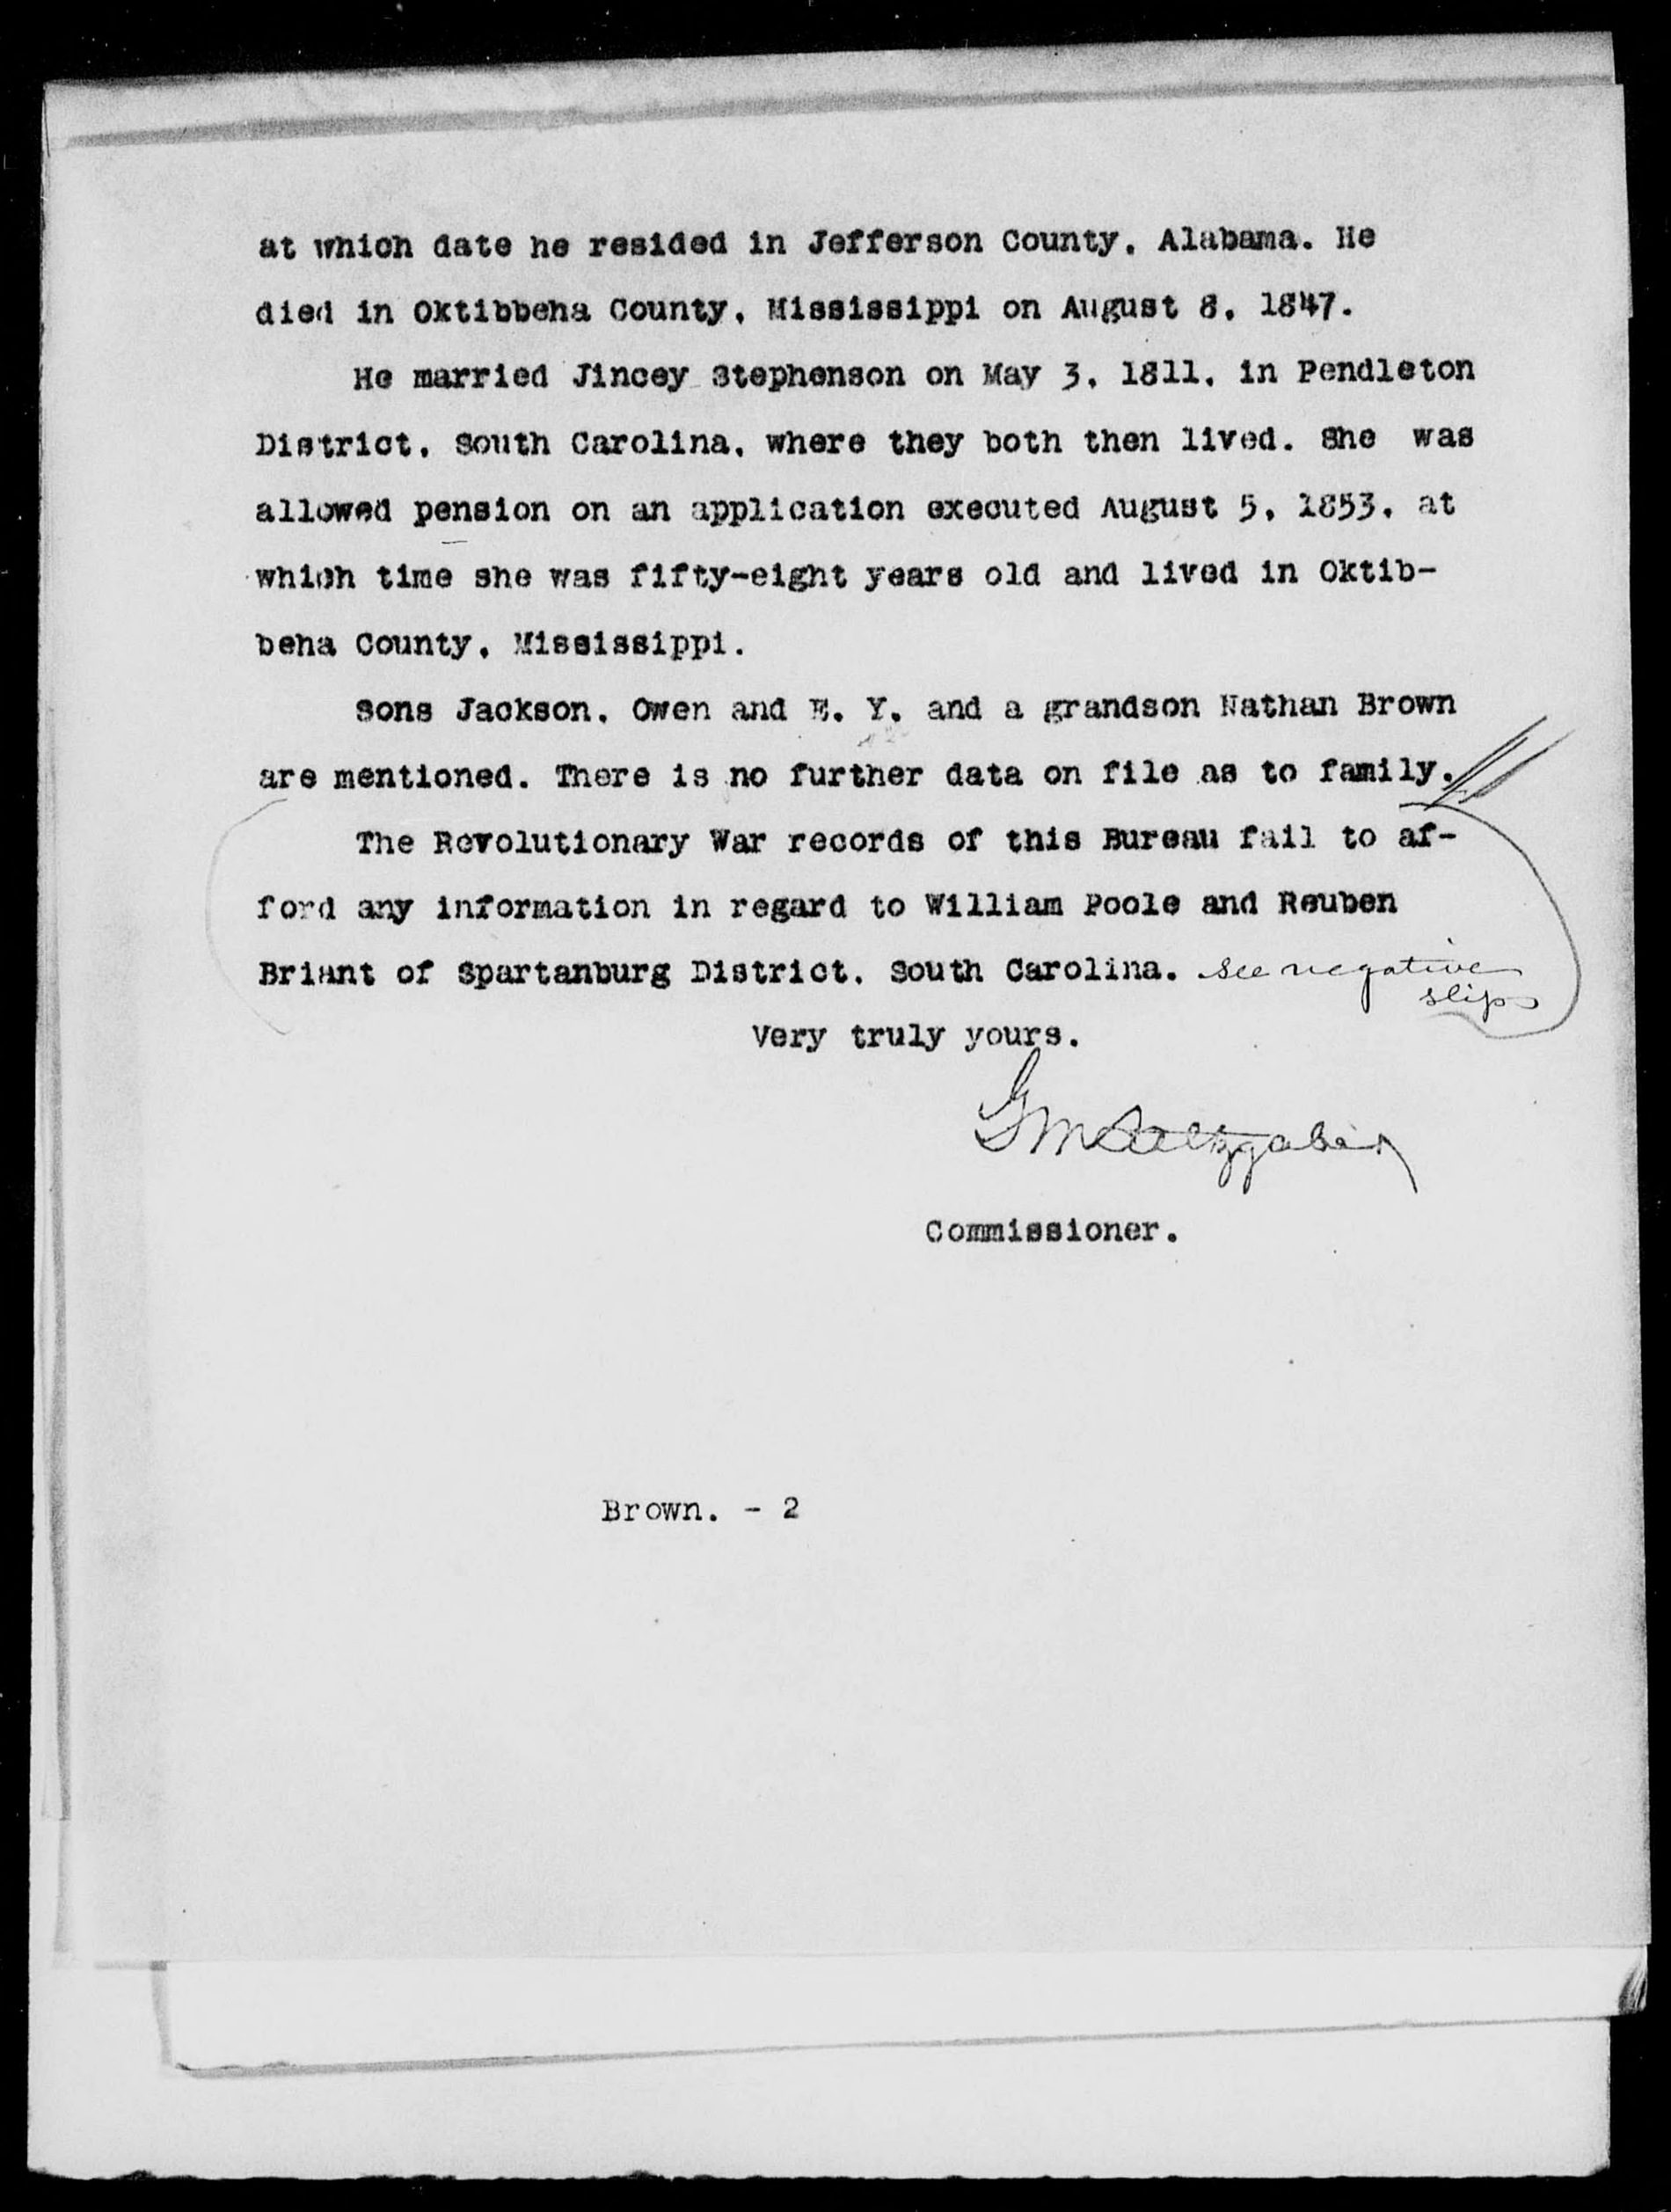at which date he resided in Jefferson County, Alabama. He
died in Oktibbeha County, Mississippi on August 8, 1847.

He married Jincey Stephenson on May 3, 1811, in Pendleton
District, South Carolina, where they both then lived. She was allowed pension on an application executed August 5, 1853, at
which time she was fifty-eight years old and lived in 
Oktibbeha County, Mississippi.

Sons Jackson, Owen and E. Y. and a grandson Nathan Brown
are mentioned. There is no further data on file as to family

The Revolutionary War records of this Bureau fail to afford
any information in regard to William Poole and Reuben
Briant of Spartanburg District, South Carolina. 

Very truly yours.

G M Saltzgaber [signature]
Commissioner.
Brown. - 2

Note:  there are parenthesis around the last paragraph with handwritten note at says

See negative slips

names: Jincey Stephenson, William Poole, Reuben Briant, Jackson, E Y, Owen, Nathan Brown, G M Saltzgaber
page: 40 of 85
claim: widow's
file: W. 5,906, John Brown, S.C.